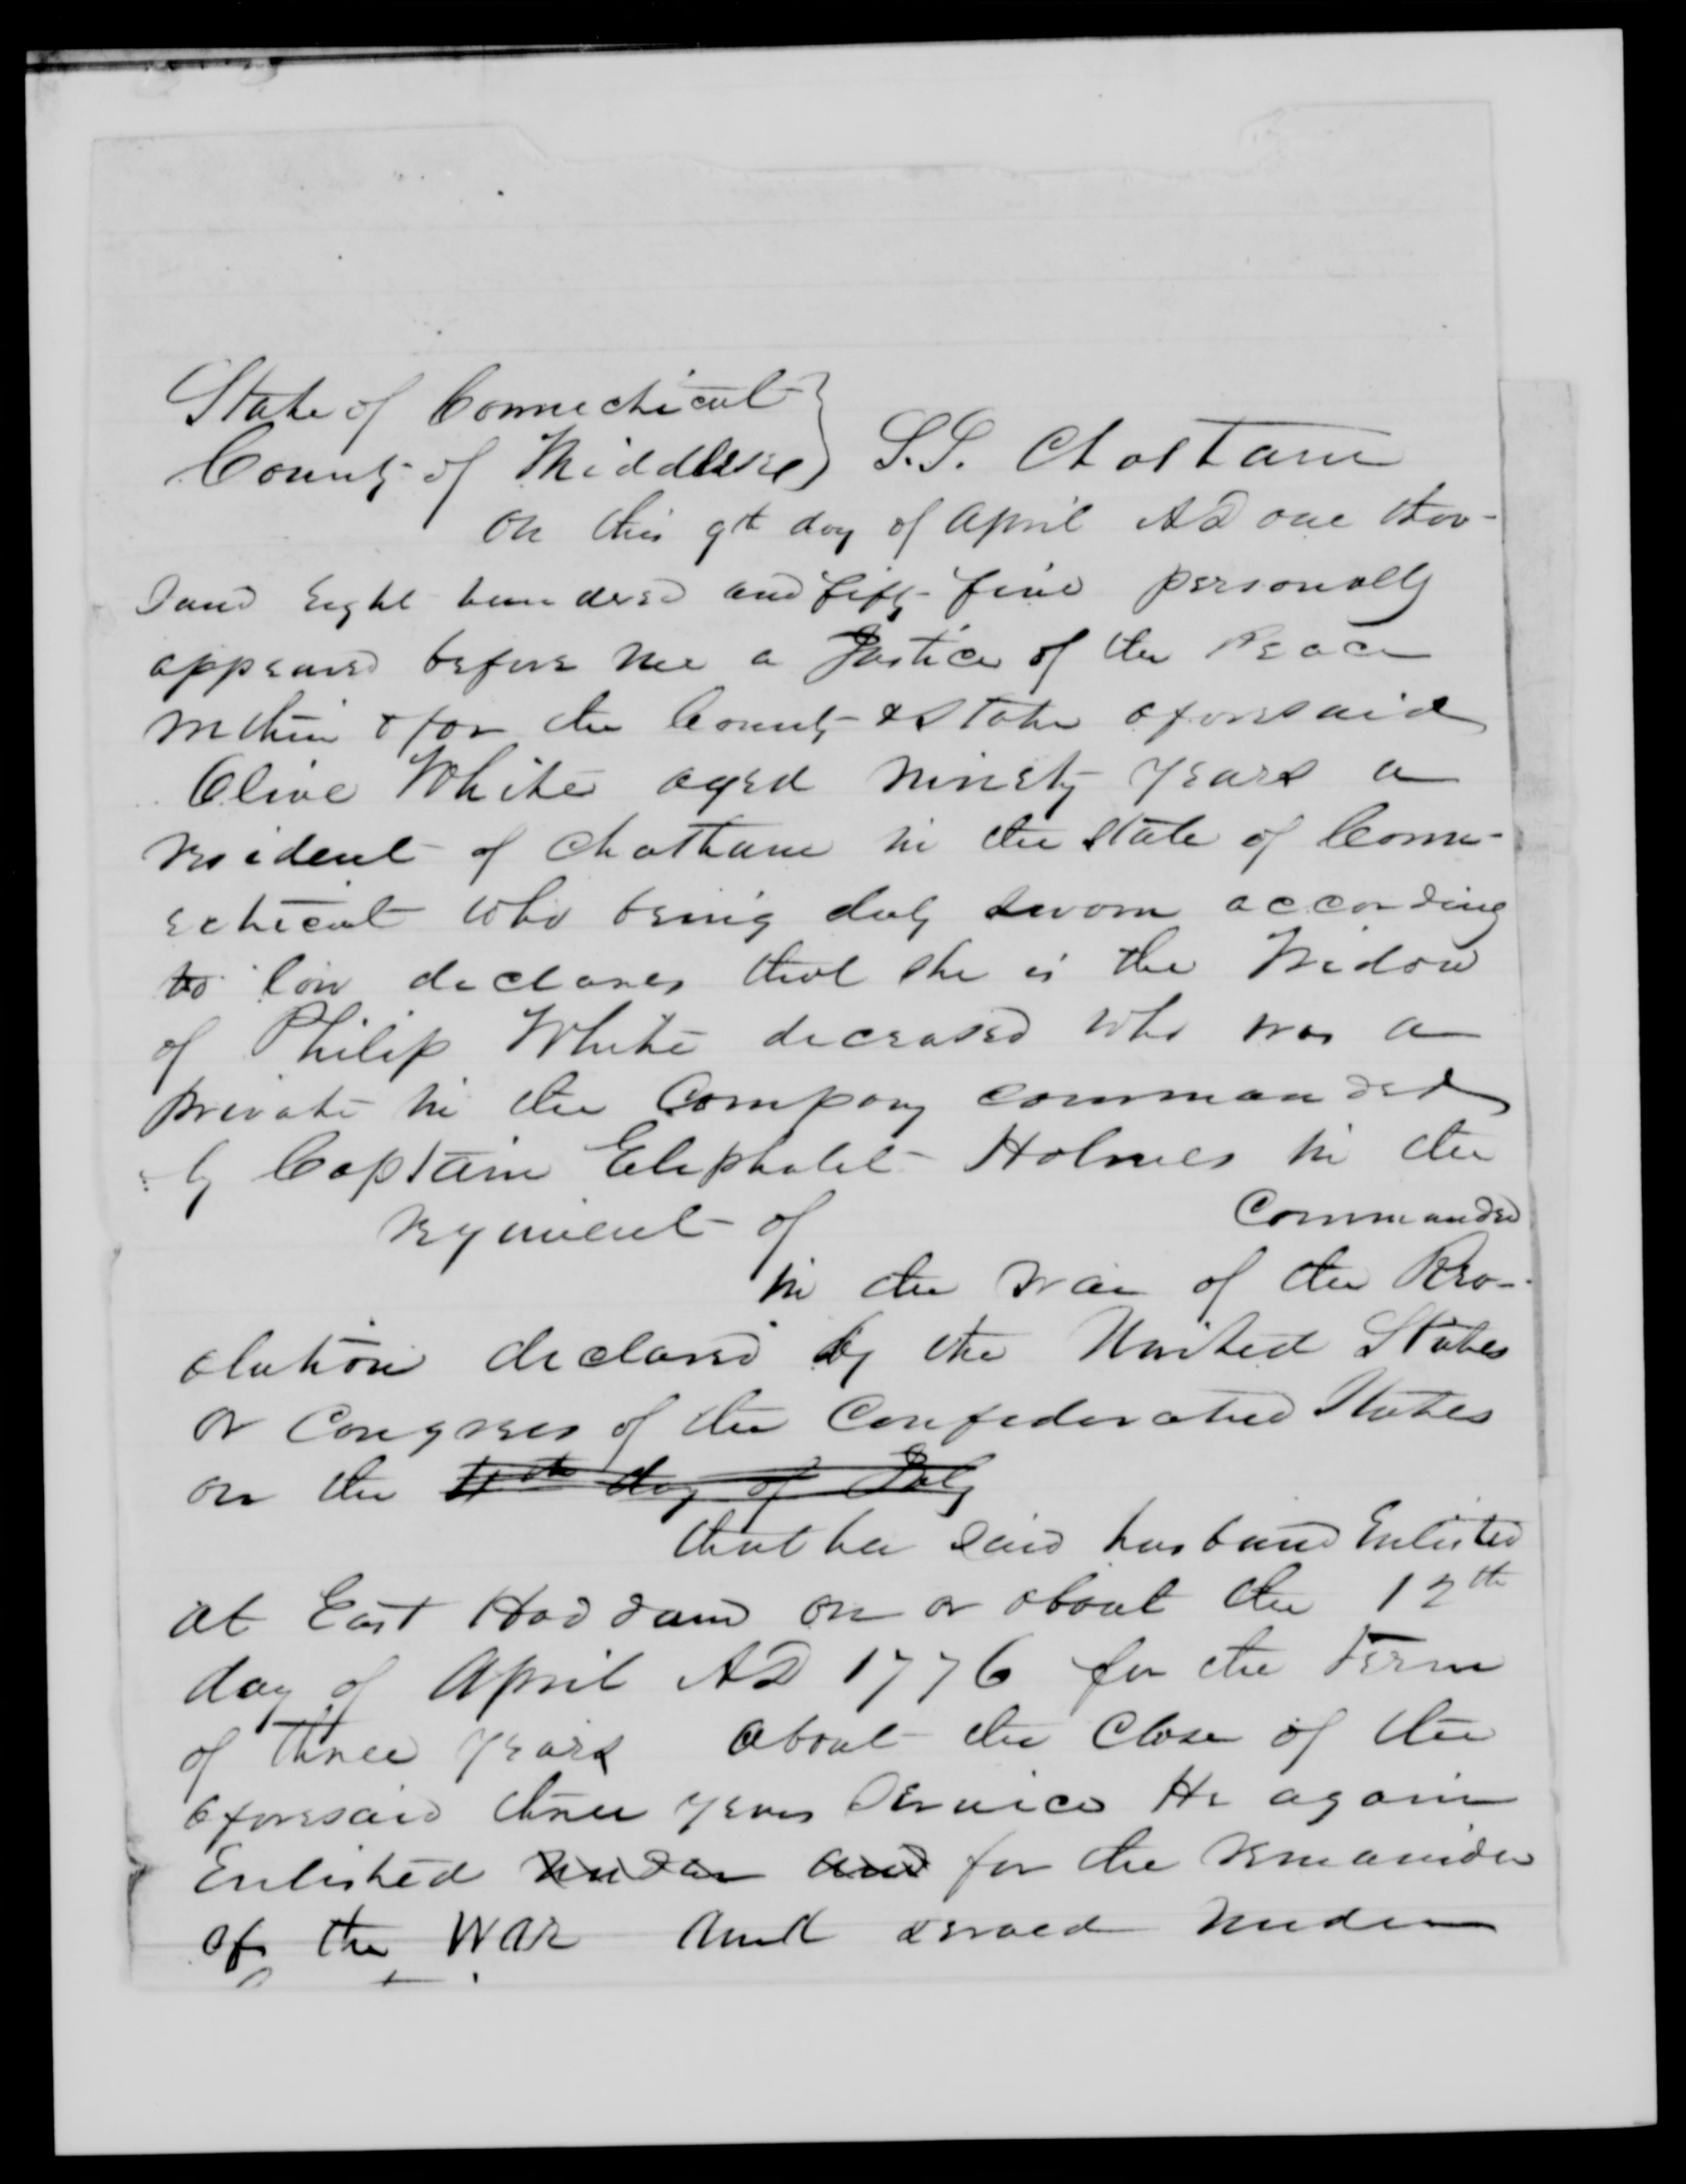State of Connecticut
County of Middlesex} S.S. Chatham
On this 9th day of April AD one thousand
Eight hundred and fifty five personally
appeared before me a Justice of the Peace
within & for the County & State aforesaid
Olive White aged ninety years a
resident of Chatham in the State of 
Connecticut who being duly sworn according
to law declares that she is the Widow
of Philip White deceased who was a
private in the company commanded
by Captain Eliphalet Holmes in the
Regiment of ____ Commanded
in the war of the Revolution
declared by the United States
or Congress of the Confederate States
on the [crossed out: 4th day of July]
that her said husband enlisted
at East Haddam on or about the 12th
day of April AD 1776 for the term
of three years about the close of the
aforesaid three years service he again
Enlisted [crossed out: under and] for the remainder
of the war and served under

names: Olive White, Philip White, Elephalet Holmes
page: 23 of 50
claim: widow's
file: W. 25,969, Philip White, Conn.